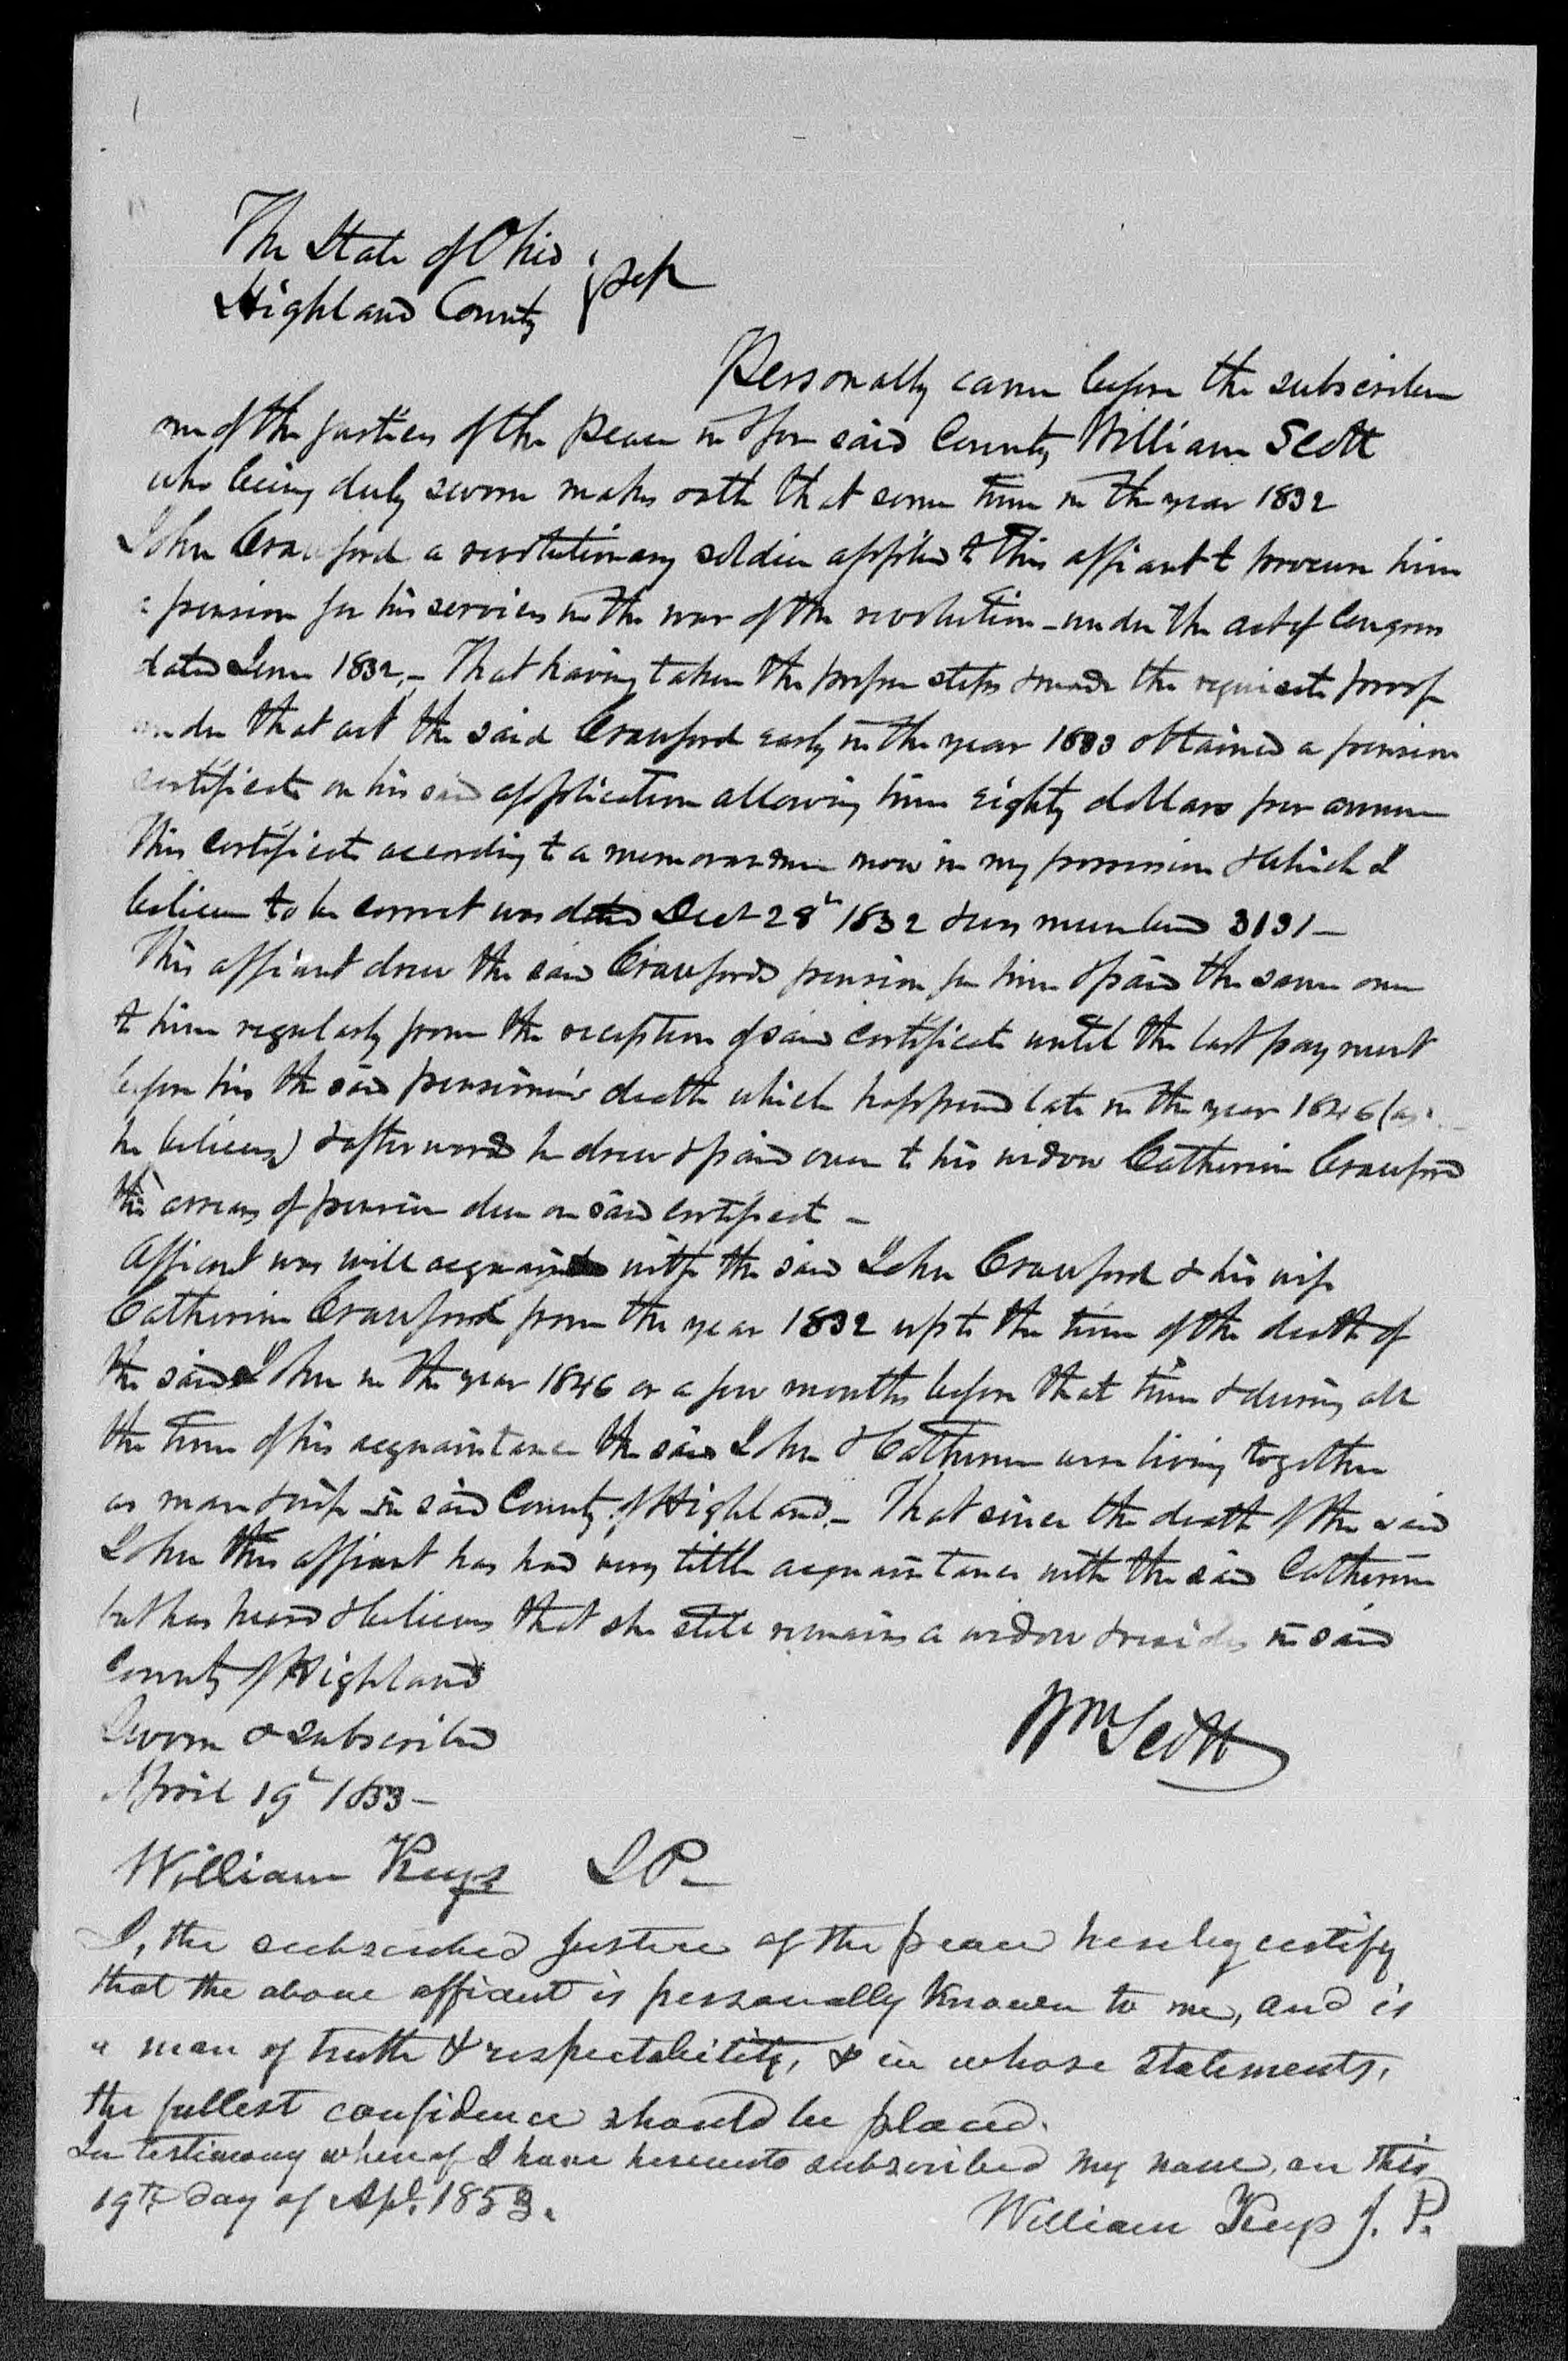The State of Ohio
Highland County
Personally came before the subscriber 
one of the Justices of the peace in for said County, William Scott, who being duly sworn makes oath that sometime in the year 1832,
John Crawford, a revolutionary soldier, applied to this office to procure him a pension for his services in the war of the revolution under the Act of congress dated June 1832. That having taken the proper steps to make the required proof under that act, the said Crawford early in the year 1833 obtained a pension certificate in his said application, allowing him Eighty dollars per annum.
This certificate according to a memorial now in my possession which I believe to be correct was dated Dec. 28th, 1832 from number 3131-
this applicant drew the said Crawfords pension for him & paid the same one to him regularly from the inception of said certificate until the last payment before the said pensioner's death which happened late in the year 1826. He  believes & affirms he drew & paid over to his widow Catherine Crawford the arrears of pension due on said contract.
Affiant was well acquainted with the said John Crawford & his wife Catherine Crawford from the year 1832 up to the time of the death of the said John in the year 1846 or a few months before that time & during all the time of his acquaintance, the said John & Catherine were living together as man and wife in the said County of Highland- That since the death of the said John, this affiant has had very little acquaintance with the said Catherine,
but has heard & believes that she still remains a widow reside in said County Highland
Sworn & subscribed
Wm Scott
April 19th, 1833
Seth
William Keys, J P
I, the subscribed Justice of the peace, hereby certify that the above affiant is personally known to me, and is man of truth & respectability, & in whose statements, fullest confidence should be placed.
In testimony whereof I have hereunto subscribed my name, on this day of Apr 1853.
William Keys J.P.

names: Catherin Crawford, Wm Scott, John, Catherin, William Scott, William Keys, John, William Keys, Catherin, Crawford, Crawford, Catherin Crawford, John Crawford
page: 29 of 80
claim: widow's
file: W 2070, John Crawford, Penn.